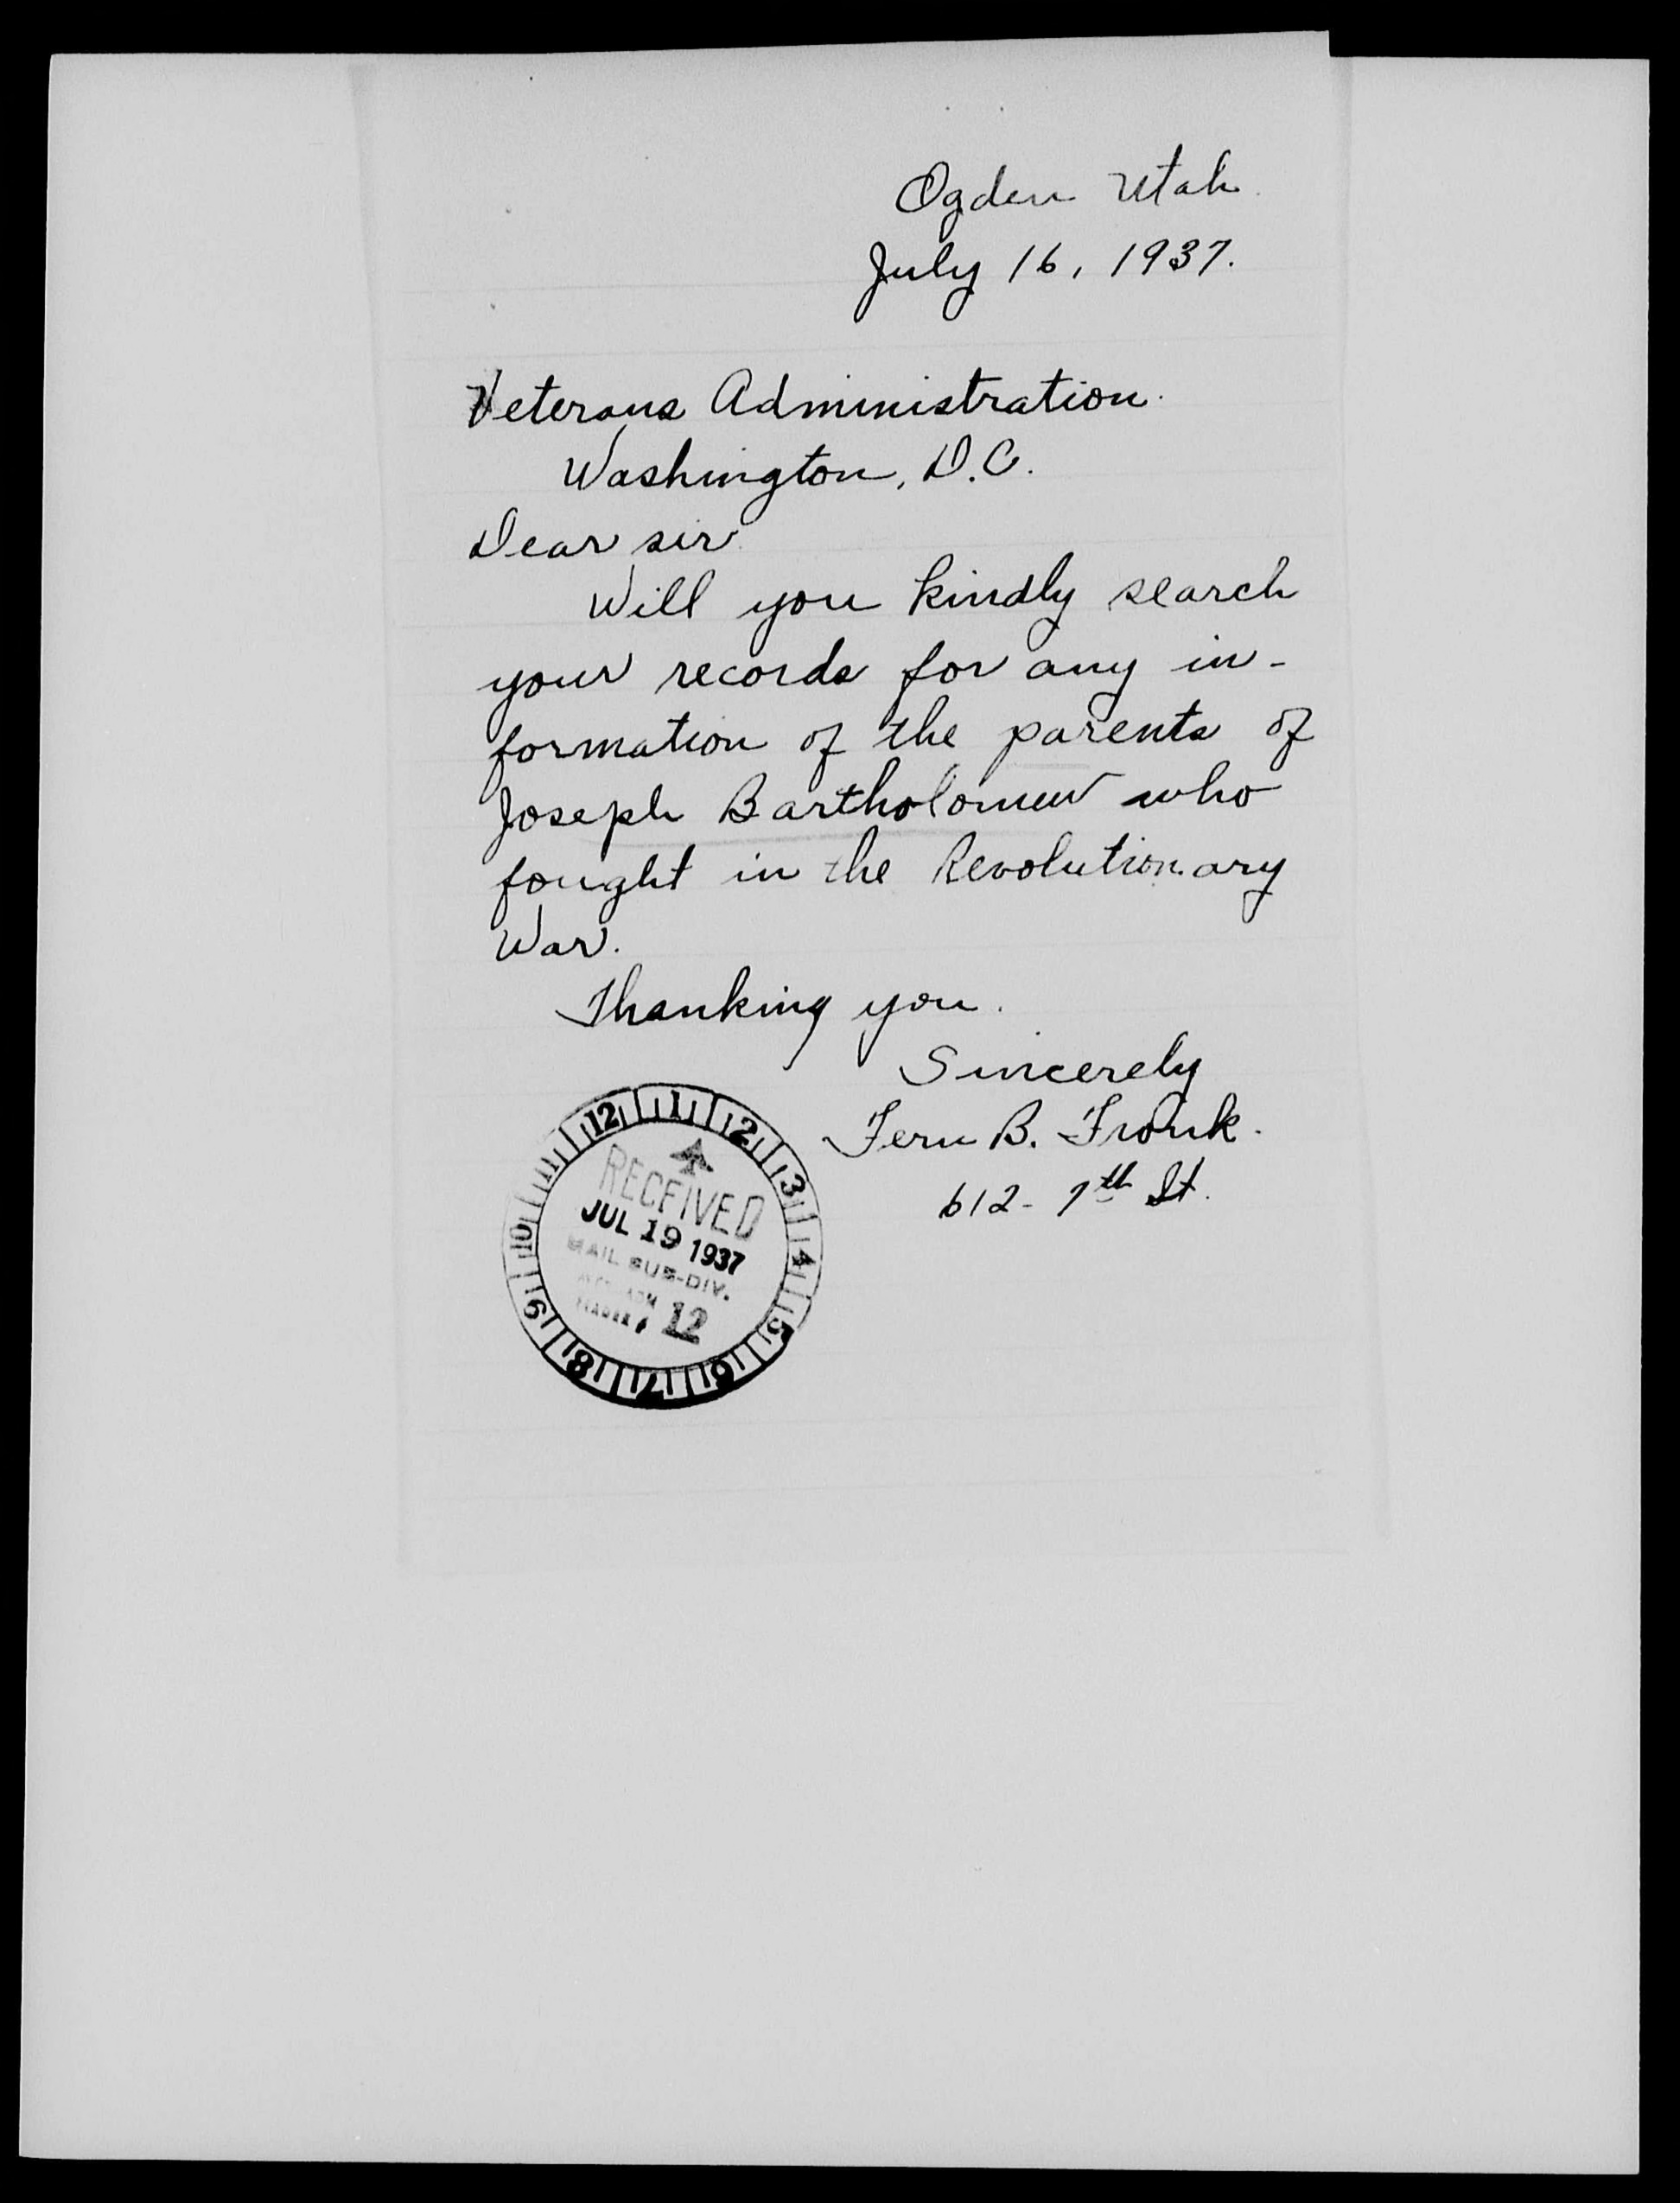Ogden Utah
July 16, 1937
Veterans Administration
Washington, D.C
Dear sir
Will you kindly search
your records for any information
of the parents of
Joseph Bartholomew who
fought in the Revolutionary War
Thanking you
Sincerely
Fern B. Fronk
612.7th It

RECEIVED
Jul 19 1937
MAIL SUB-DIV
READER 12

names: Joseph Bartholomew, Fern B Fronk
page: 66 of 76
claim: widow's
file: W. 9345, Joseph Bartholomew, Conn.